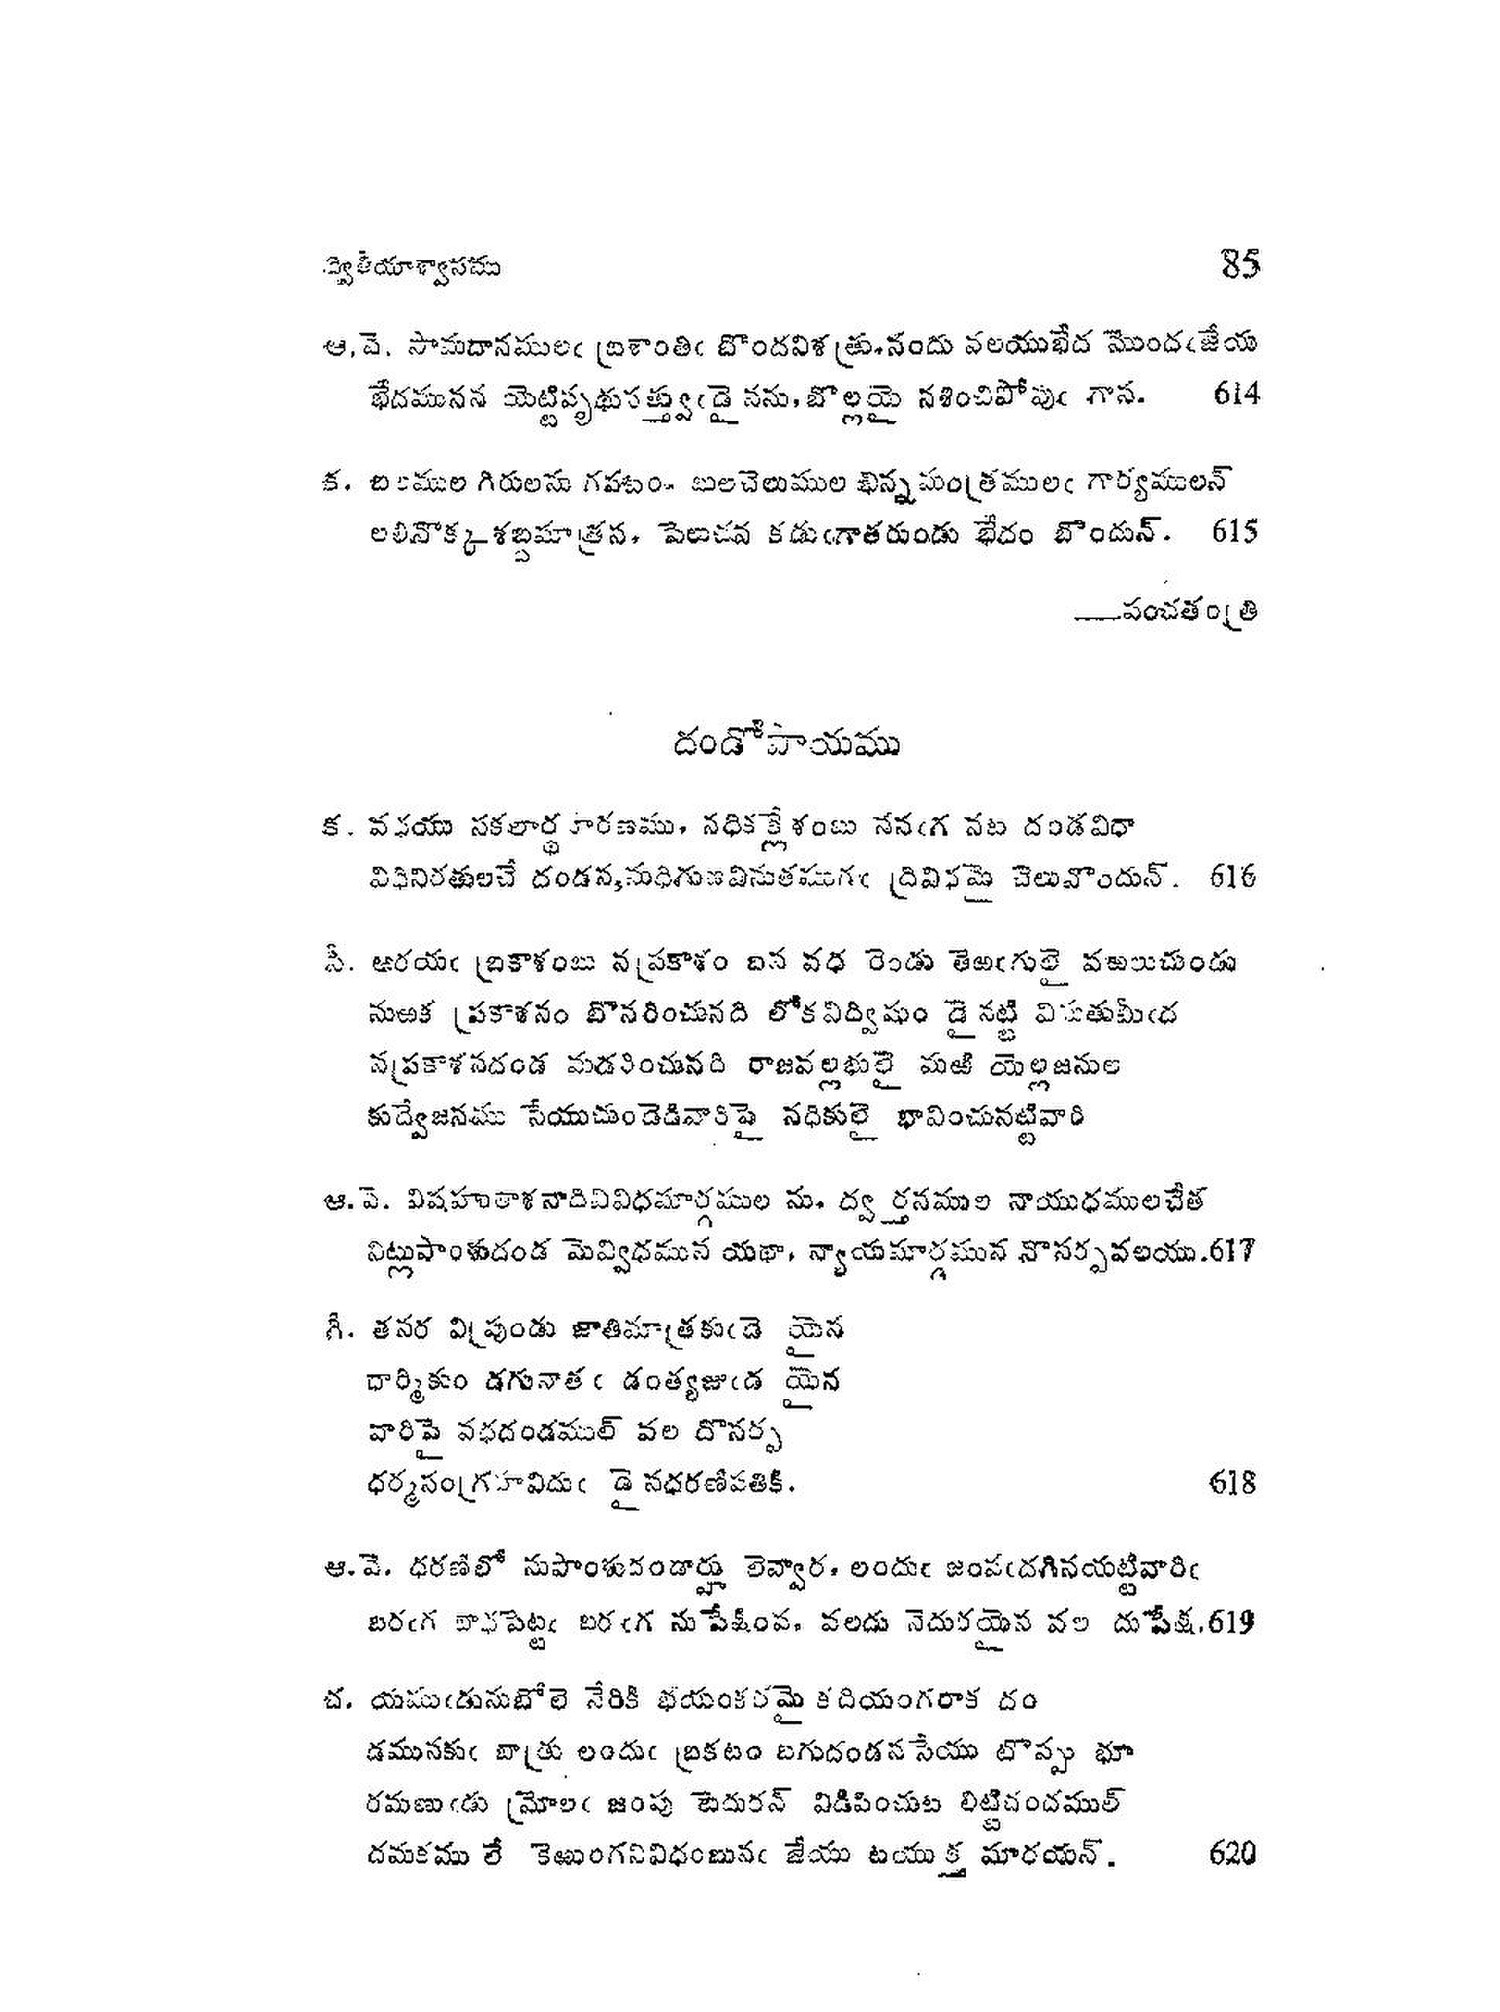ఆ. సామదానములఁ బ్రశాంతిఁ బొందని శత్రు
నందు వలయుభేద మొందఁజేయ
భేదమునన యెట్టి పృథుసత్త్వుఁ డైనను
బొల్లయై నశించిపోవుఁ గాన. 614

క. బలముల గిరులను గపటం
బులచెలుముల భిన్నమంత్రములఁ గార్యములన్
లలినొక్కశబ్దమాత్రన
పెలుచన కడుఁగాతరుండు భేదం బొందున్. 615

క. వధయు సకలార్థహరణము
నధికక్లేశంబు ననఁగ నట దండవిధా
విధినిరతులచే దండన
మధిగుణవినుతముగఁ ద్రివిధమై చెలువొందున్. 616

సీ. అరయఁ బ్రకాశంబు నప్రకాశం బన
వధ రెండు తెఱుఁగులై వఱలుచుండు
నుఱక ప్రకాశనం బొనరించునది లోక
విద్విషుం డైనట్టి వినుతుమీఁద
నప్రకాశనదండ మడరించునది రాజ
వల్లభలై మఱి యెల్లజనుల
కుద్వేజనము సేయుచుండెడివారి
పై నధికులై భావించునట్టివారి
ఆ. విషహుతాశనాది వివిధమార్గముల ను
ద్వర్తనముల నాయుధములచేత
నిట్లు పాంశుదండ మెవ్విధమున యథా
న్యాయమార్గమున నొనర్పవలయు. 617

గీ. తనర విప్రుండు జాతిమాత్రకుఁడె యైన
ధార్మికుం డగునాతఁ డంత్యజుఁడ యైన
వారిపై వధదండముల్ వల దొనర్ప
ధర్మసంగ్రహవిదుఁ డైన ధరణిపతికి. 618

ఆ. ధరణిలో నుపాంశుదండార్హు లెవ్వార
లందుఁ జంపదగినయట్టివారిఁ
బరఁగ బాధపెట్టఁ బరఁగ నుపేక్షింప
వలదు నెదురనైన వల దుపేక్ష. 619

చ. యముఁడునుబోలె నేరికి భయంకరమై కదియంగదార దం
డమునకుఁ బాత్రు లందుఁ బ్రకటం బగుదండనసేయు టొప్పు భూ
రమణుఁడు మ్రోలఁజంపు టెదురన్ విడిపించుట లిట్టిచందముల్
దమకము లే కెఱుంగని విధంబునఁ జేయు టయుక్త మారయన్. 620